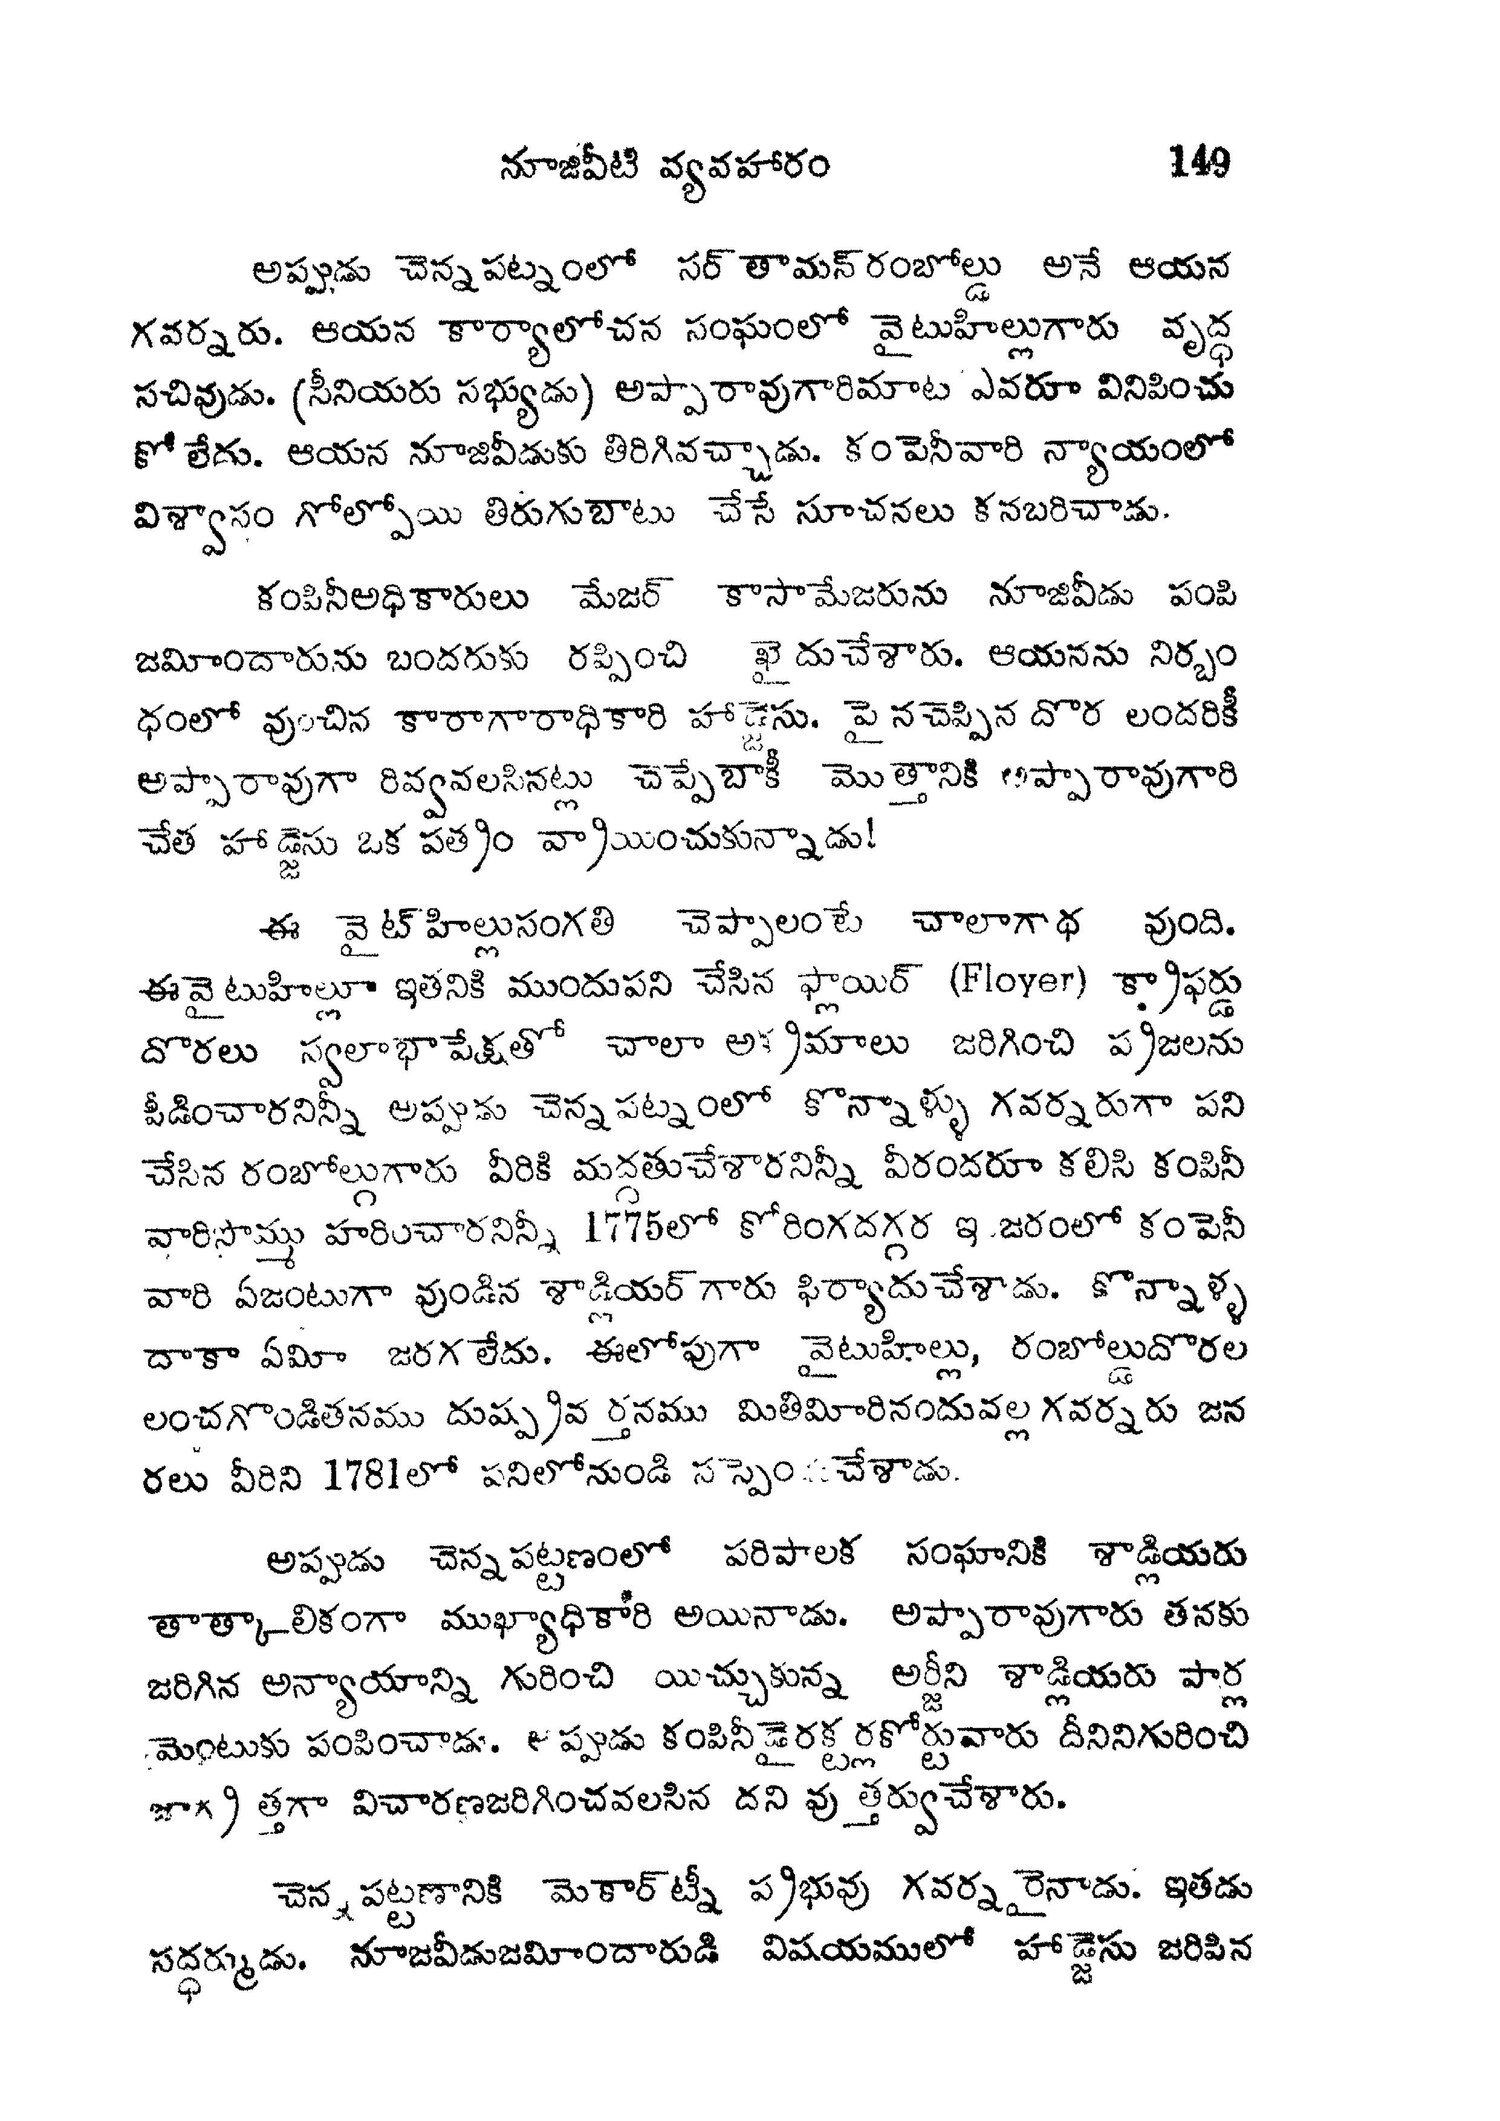అప్పుడు చెన్నపట్నంలో సర్ తామస్ రంబోల్డు అనే ఆయన గవర్నరు. ఆయన కార్యాలోచన సంఘంలో వైటుహిల్లుగారు వృద్ధ సచివుడు(సీనియరు సభ్యుడు) అప్పారావుగారిమాట ఎవరూ వినిపించుకోలేదు. ఆయన నూజివీడుకు తిరిగివచ్చాడు.. కంపెనీవారి న్యాయంలో విశ్వాసం గోల్ఫోయి తిరుగుబాటు చేసే సూచనలు కనబరిచాడు.

కంపెనీఅధికారులు మేజర్ కసామేజరును నూజివీడు పంపి జమీందారును బందరు రప్పించి ఖైదుచేశారు. ఆయనను నిర్భంధంలో వుంచిన కారాగారాధికారి హాడ్జెసు. పైనచెప్పిన దొర లందరికీ అప్పారావుగా రివ్వవలసినట్లు చెప్పేబాకీ మొత్తానికి అప్పారావుగారి చేత హడ్జను ఒక పత్రం వ్రాయించుకున్నాడు!

ఈవైట్ హిల్లుసంగతి చెప్పాలంటే చాలాగాధ వుంది. ఈవైటుహిల్లూ ఇతనికి ముందుపని చేసిన ఫ్లాయిర్ (Floyer) క్రాఫర్డు దొరలు స్వలాభాపేక్షతో చాలా అక్రమాలు జరిగించి ప్రజలను పీడించారనిన్నీ అప్పుడు చెన్నపట్నంలో కొన్నాళ్ళు గవర్నరుగా పని చేసిన రంబోల్గుగారు వీరికి మద్ధతుచేశారినిన్నీ వీరందరూ కలిసి కంపెనీ వారి సొమ్ము హరించారనిన్నీ 1775లో కోరింగదగ్గర ఇంజరంలో కంపెనీ వారి ఏజంటుగా వుండిన శాడ్లియర్ గారు ఫిర్యాదుచేశాడు. కొన్నాళ్ళదాకా ఏమీ జరగలేదు. ఈలోపుగా వైటుహిల్లు, రంబోల్డుదొరల లంచగొండితనము దుష్ప్రవర్తనము మితిమీరినందువల్ల గవర్నరు జనరలు వీరిని 1781 లో పనిలోనుండి సస్పెండు ఛేశారు.

అప్పుడు చెన్నపట్నంలో పరిపాలక సంఘానికి శాడ్లియరు తాత్కాలికంగా ముఖ్యాధికారి అయినాడు. అప్పరావుగారు తనకు జరిగిన అన్యాయాన్ని గురించి యిచ్చుకున్న అర్జీని శాడ్లియరు పార్లమెంటుకు పంపించారు. అప్పుడు కంపినీడైరెక్టర్లకోర్డువారు దీనినిగురించి జాగ్రత్తగా విచారణజరిగించవలసినదని వుత్తర్వుచేశారు.

చెన్నపట్టాణానికి మెకార్ ట్నీ ప్రభువు గవర్నరైనాడు. ఇతడు సద్ధర్ముడు. నూజివీడుజమీందారుడి విషయంలో హాడ్జెసు జరిపిన